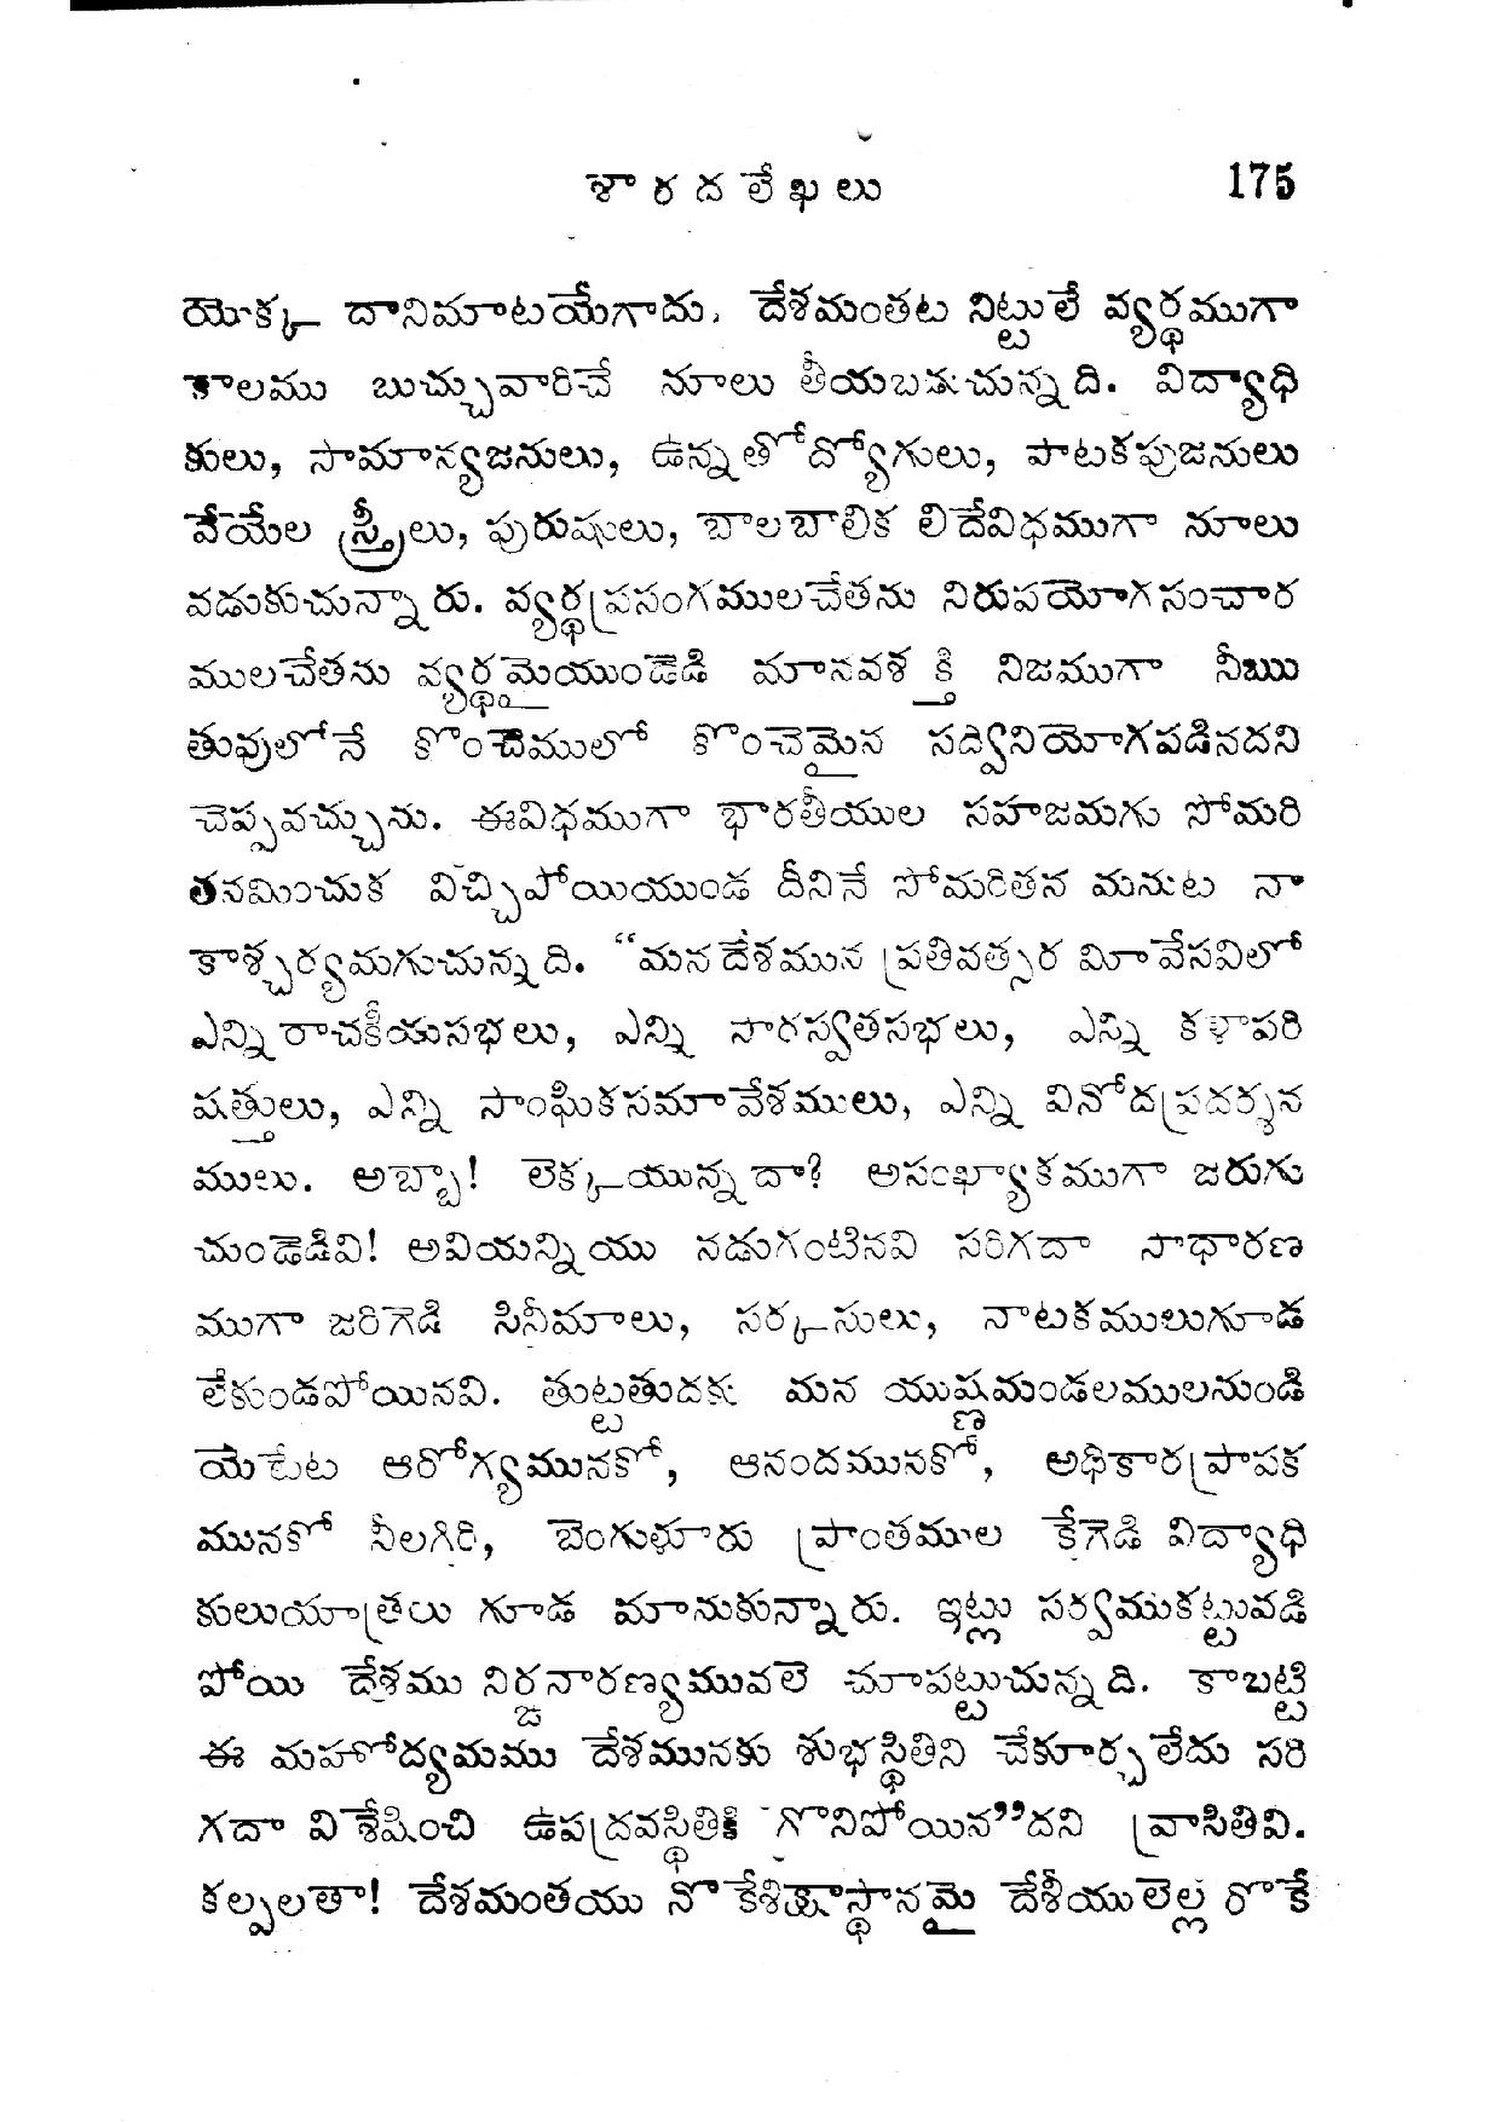యొక్క దానిమాటయేగాదు. దేశమంతట నిట్టులే వ్యర్థముగా కాలము బుచ్చువారిచే నూలు తీయబడుచున్నది. విద్యాధికులు, సామాన్యజనులు, ఉన్నతోద్యోగులు, పాటకపుజనులు వేయేల స్త్రీలు, పురుషులు, బాలబాలిక లిదేవిధముగా నూలు వడుకుచున్నారు. వ్యర్థప్రసంగములచేతను నిరుపయోగ సంచారములచేతను వ్యర్థమైయుండెడి మానవశక్తి నిజముగా నీఋతువులోనే కొంచెములో కొంచెమైన సద్వినియోగపడినదని చెప్పవచ్చును. ఈవిధముగా భారతీయుల సహజమగు సోమరితనమించుక విచ్చిపోయియుండ దీనినే సోమరితన మనుట నా కాశ్చర్యమగుచున్నది. “మనదేశమున ప్రతివత్సర మీవేసవిలో ఎన్ని రాచకీయసభలు, ఎన్ని సారస్వతసభలు, ఎన్ని కళాపరిషత్తులు, ఎన్ని సాంఘిక సమావేశములు, ఎన్ని వినోదప్రదర్శనములు. అబ్బా! లెక్కయున్నదా? అసంఖ్యాకముగా జరుగు
చుండెడివి! అవియన్నియు నడుగంటినవి సరిగదా సాధారణముగా జరిగెడి సినిమాలు, సర్కసులు, నాటకములుగూడ లేకుండపోయినవి. తుట్టతుదకు మన యుష్ణమండలములనుండి యేటేట ఆరోగ్యమునకో, ఆనందమునకో, అధికారప్రాపకమునకో నీలగిరి, బెంగుళూరు ప్రాంతముల కేగెడి విద్యాధికులుయాత్రలు గూడ మానుకున్నారు. ఇట్లు సర్వముకట్టువడిపోయి దేశము నిర్జనారణ్యమువలె చూపట్టుచున్నది. కాబట్టి ఈ మహోద్యమము దేశమునకు శుభస్థితిని చేకూర్చలేదు సరిగదా విశేషించి ఉపద్రవస్థితికి గొనిపోయిన”దని వ్రాసితివి. కల్పలతా! దేశమంతయు నొకేశిక్షాస్థానమై దేశీయులెల్ల రొకే